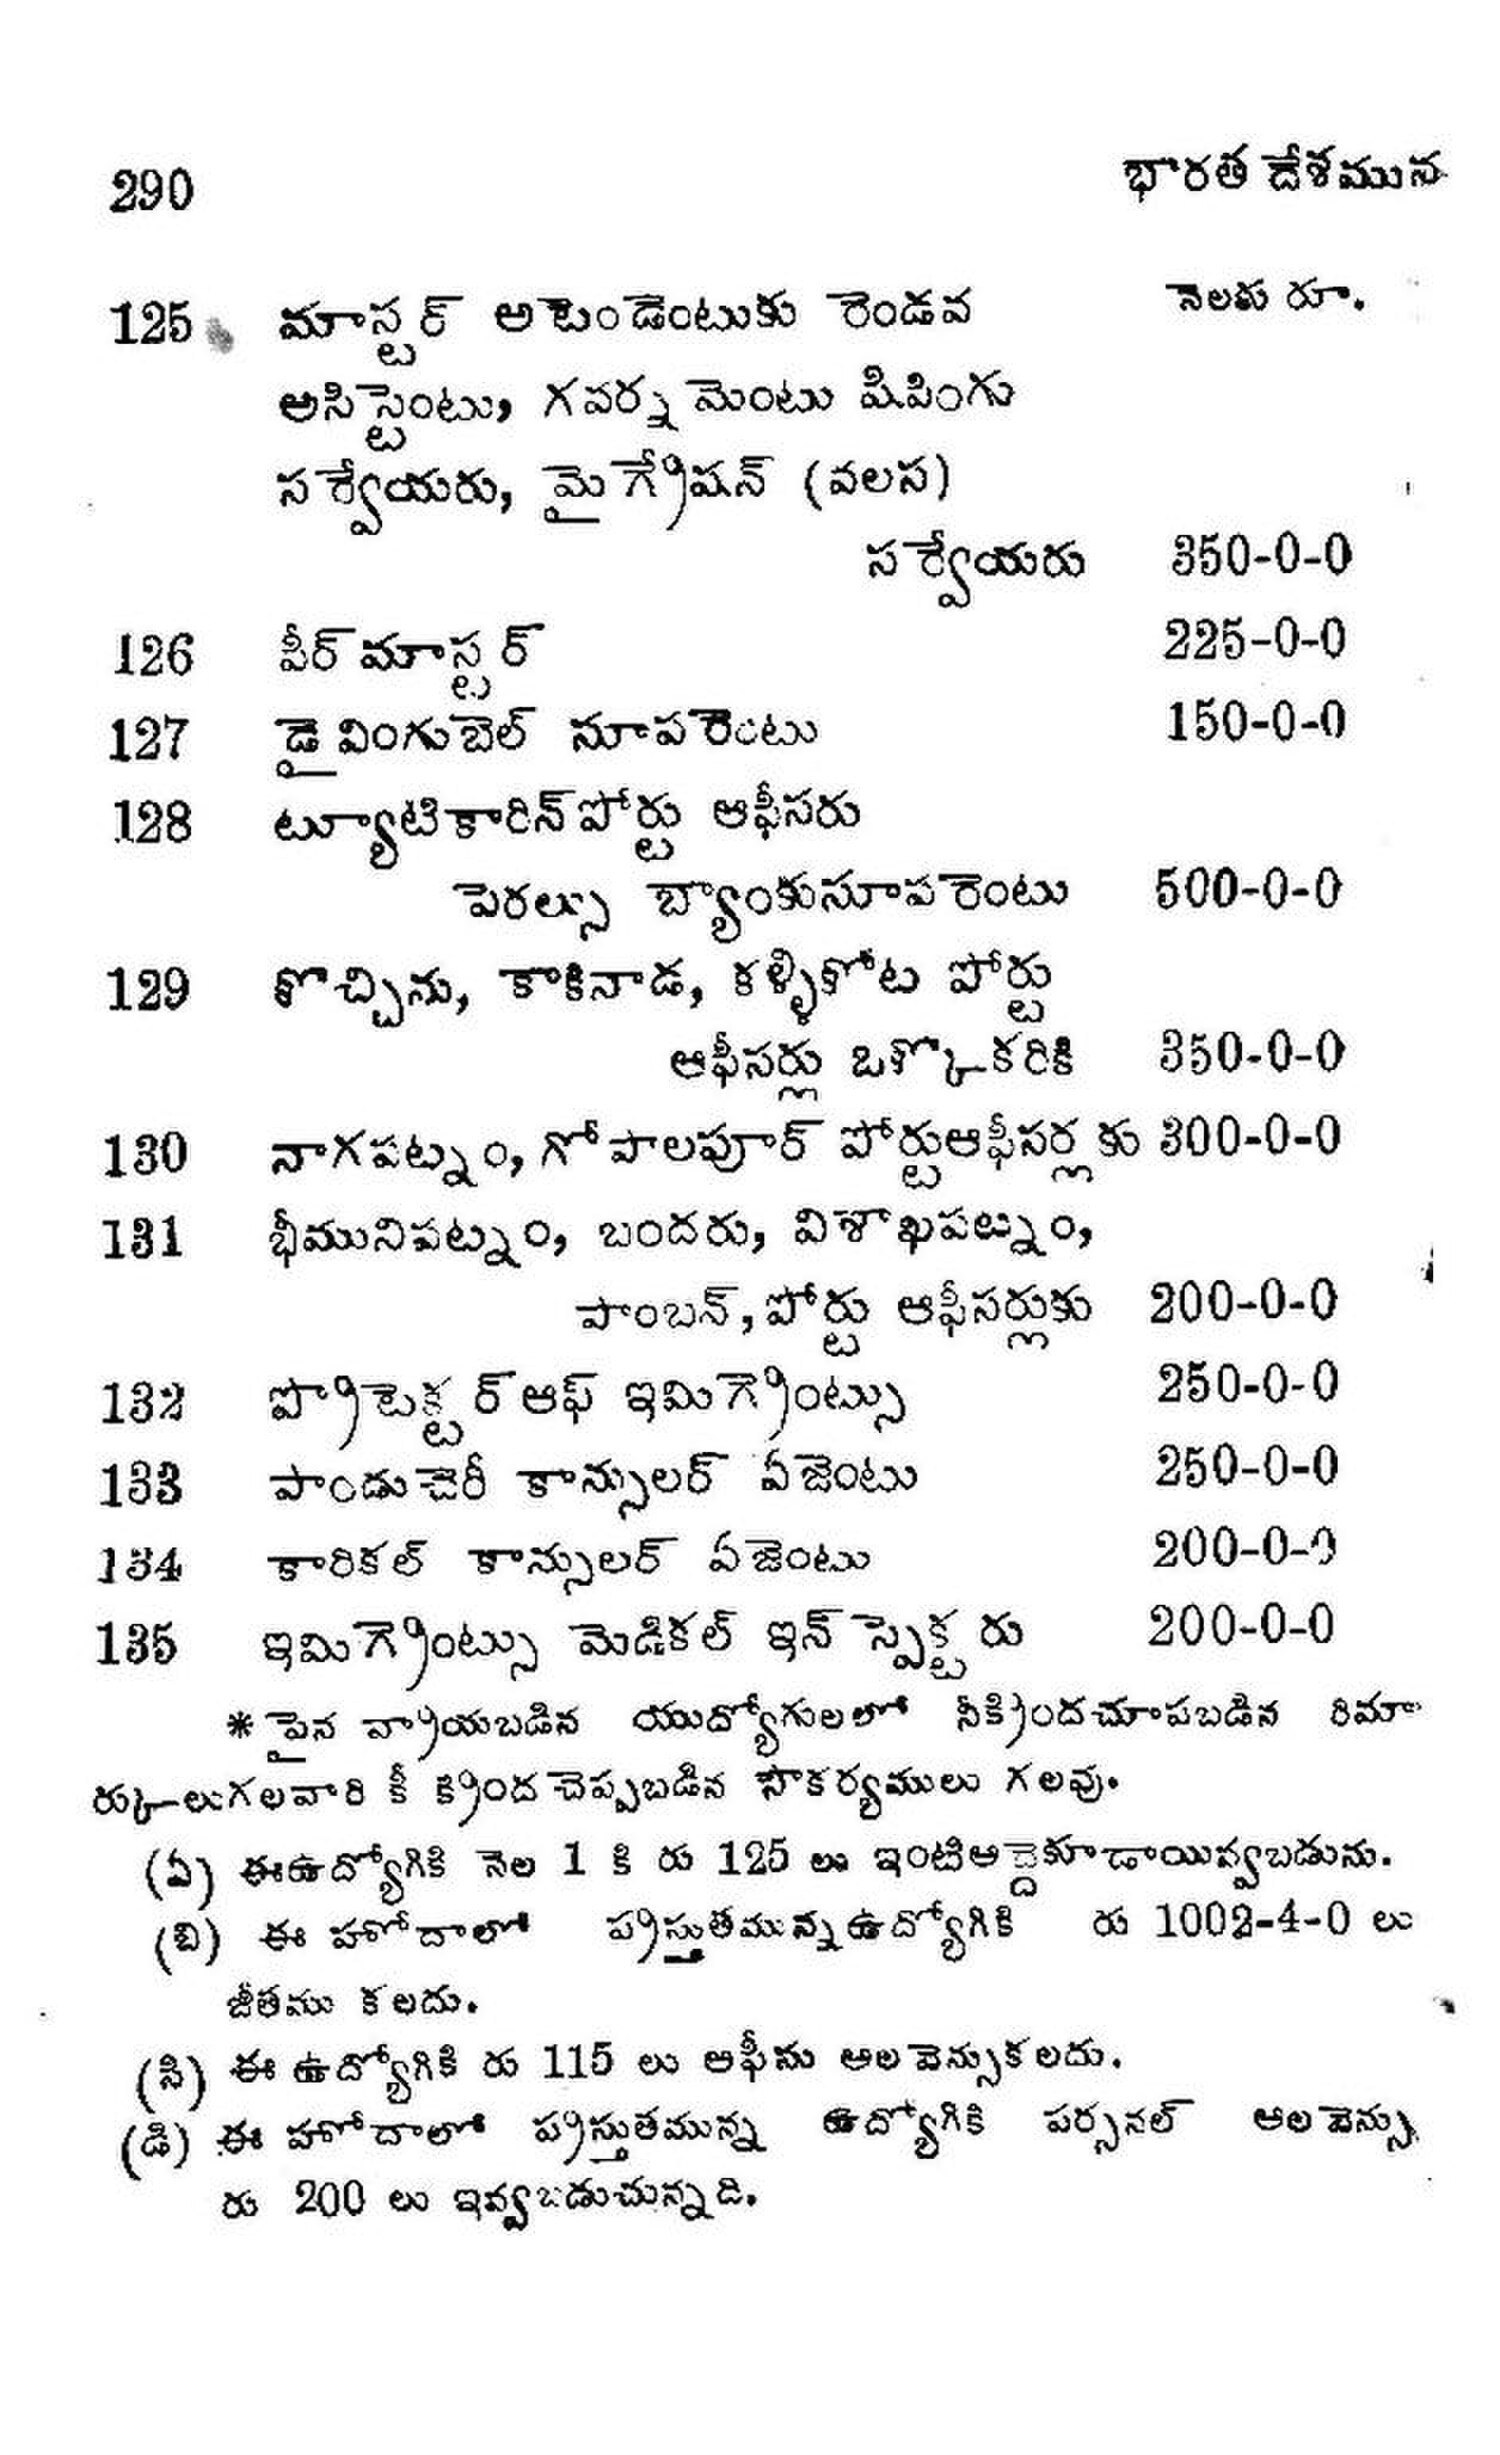125 మాస్టర్ అటెండెంటుకు రెండవ అసిస్టెంటు, గవర్నమెంటు షిపింగు సర్వేయరు, మైగ్రేషన్ (వలస) సర్వేయరు నెలకు రూ. 350-0-0 126 పీర్ మాస్టర్ 225-0-0 127 డైవింగుబెల్ సూపరెంటు 150-0-0 128 ట్యూటికారిన్ పోర్టు ఆఫీసరు పెరల్సు బ్యాంకుసూపరెంటు 500-0-0 129 కొచ్చిను, కాకినాడ, కళ్ళికోట పోర్టు ఆఫీసర్లు ఒక్కొకరికి 350-0-0 130 నాగపట్నం, గోపాలపూర్ పోర్టుఆఫీసర్లకు 300-0-0 131 భీమునిపట్నం, బందరు, విశాఖపట్నం, పాంబన్, పోర్టు ఆఫీసర్లుకు 200-0-0 132 ప్రొటెక్టర్‌ఆఫ్ ఇమిగ్రెంట్సు 250-0-0 133 పాండుచేరీ కాన్సులర్ ఏజెంటు 250-0-0 134 కారికాల్ కాన్సులర్ ఏజెంటు 200-0-0 135 ఇమిగ్రెంట్సు మెడికల్ ఇన్‌స్పెక్టరు 200-0-0

 పైన వ్రాయబడిన యుద్యోగులలో నీక్రిందిచూపబడిన రిమార్కులుగలవారి కీ క్రింద చెప్పబడిన సౌకర్యములు గలవు.

(ఏ) ఈఉద్యోగికి నెల 1 కి రు 125 లు ఇంటిఅద్దెకూడాయివ్వబడును.

(బి) ఈ హోదాలో ప్రస్తుతమున్న ఉద్యోగికి రు 1002-4-0 లు జీతము కలదు.

(సి) ఈ ఉద్యోగికి రు 115 లు ఆఫీసు అలవెన్సుకలదు.

(డి) ఈ హోదాలో ప్రస్తుతమున్న ఉద్యోగికి పర్సనల్ అలవెన్సు రు 200 లు ఇవ్వబడుచున్నది.